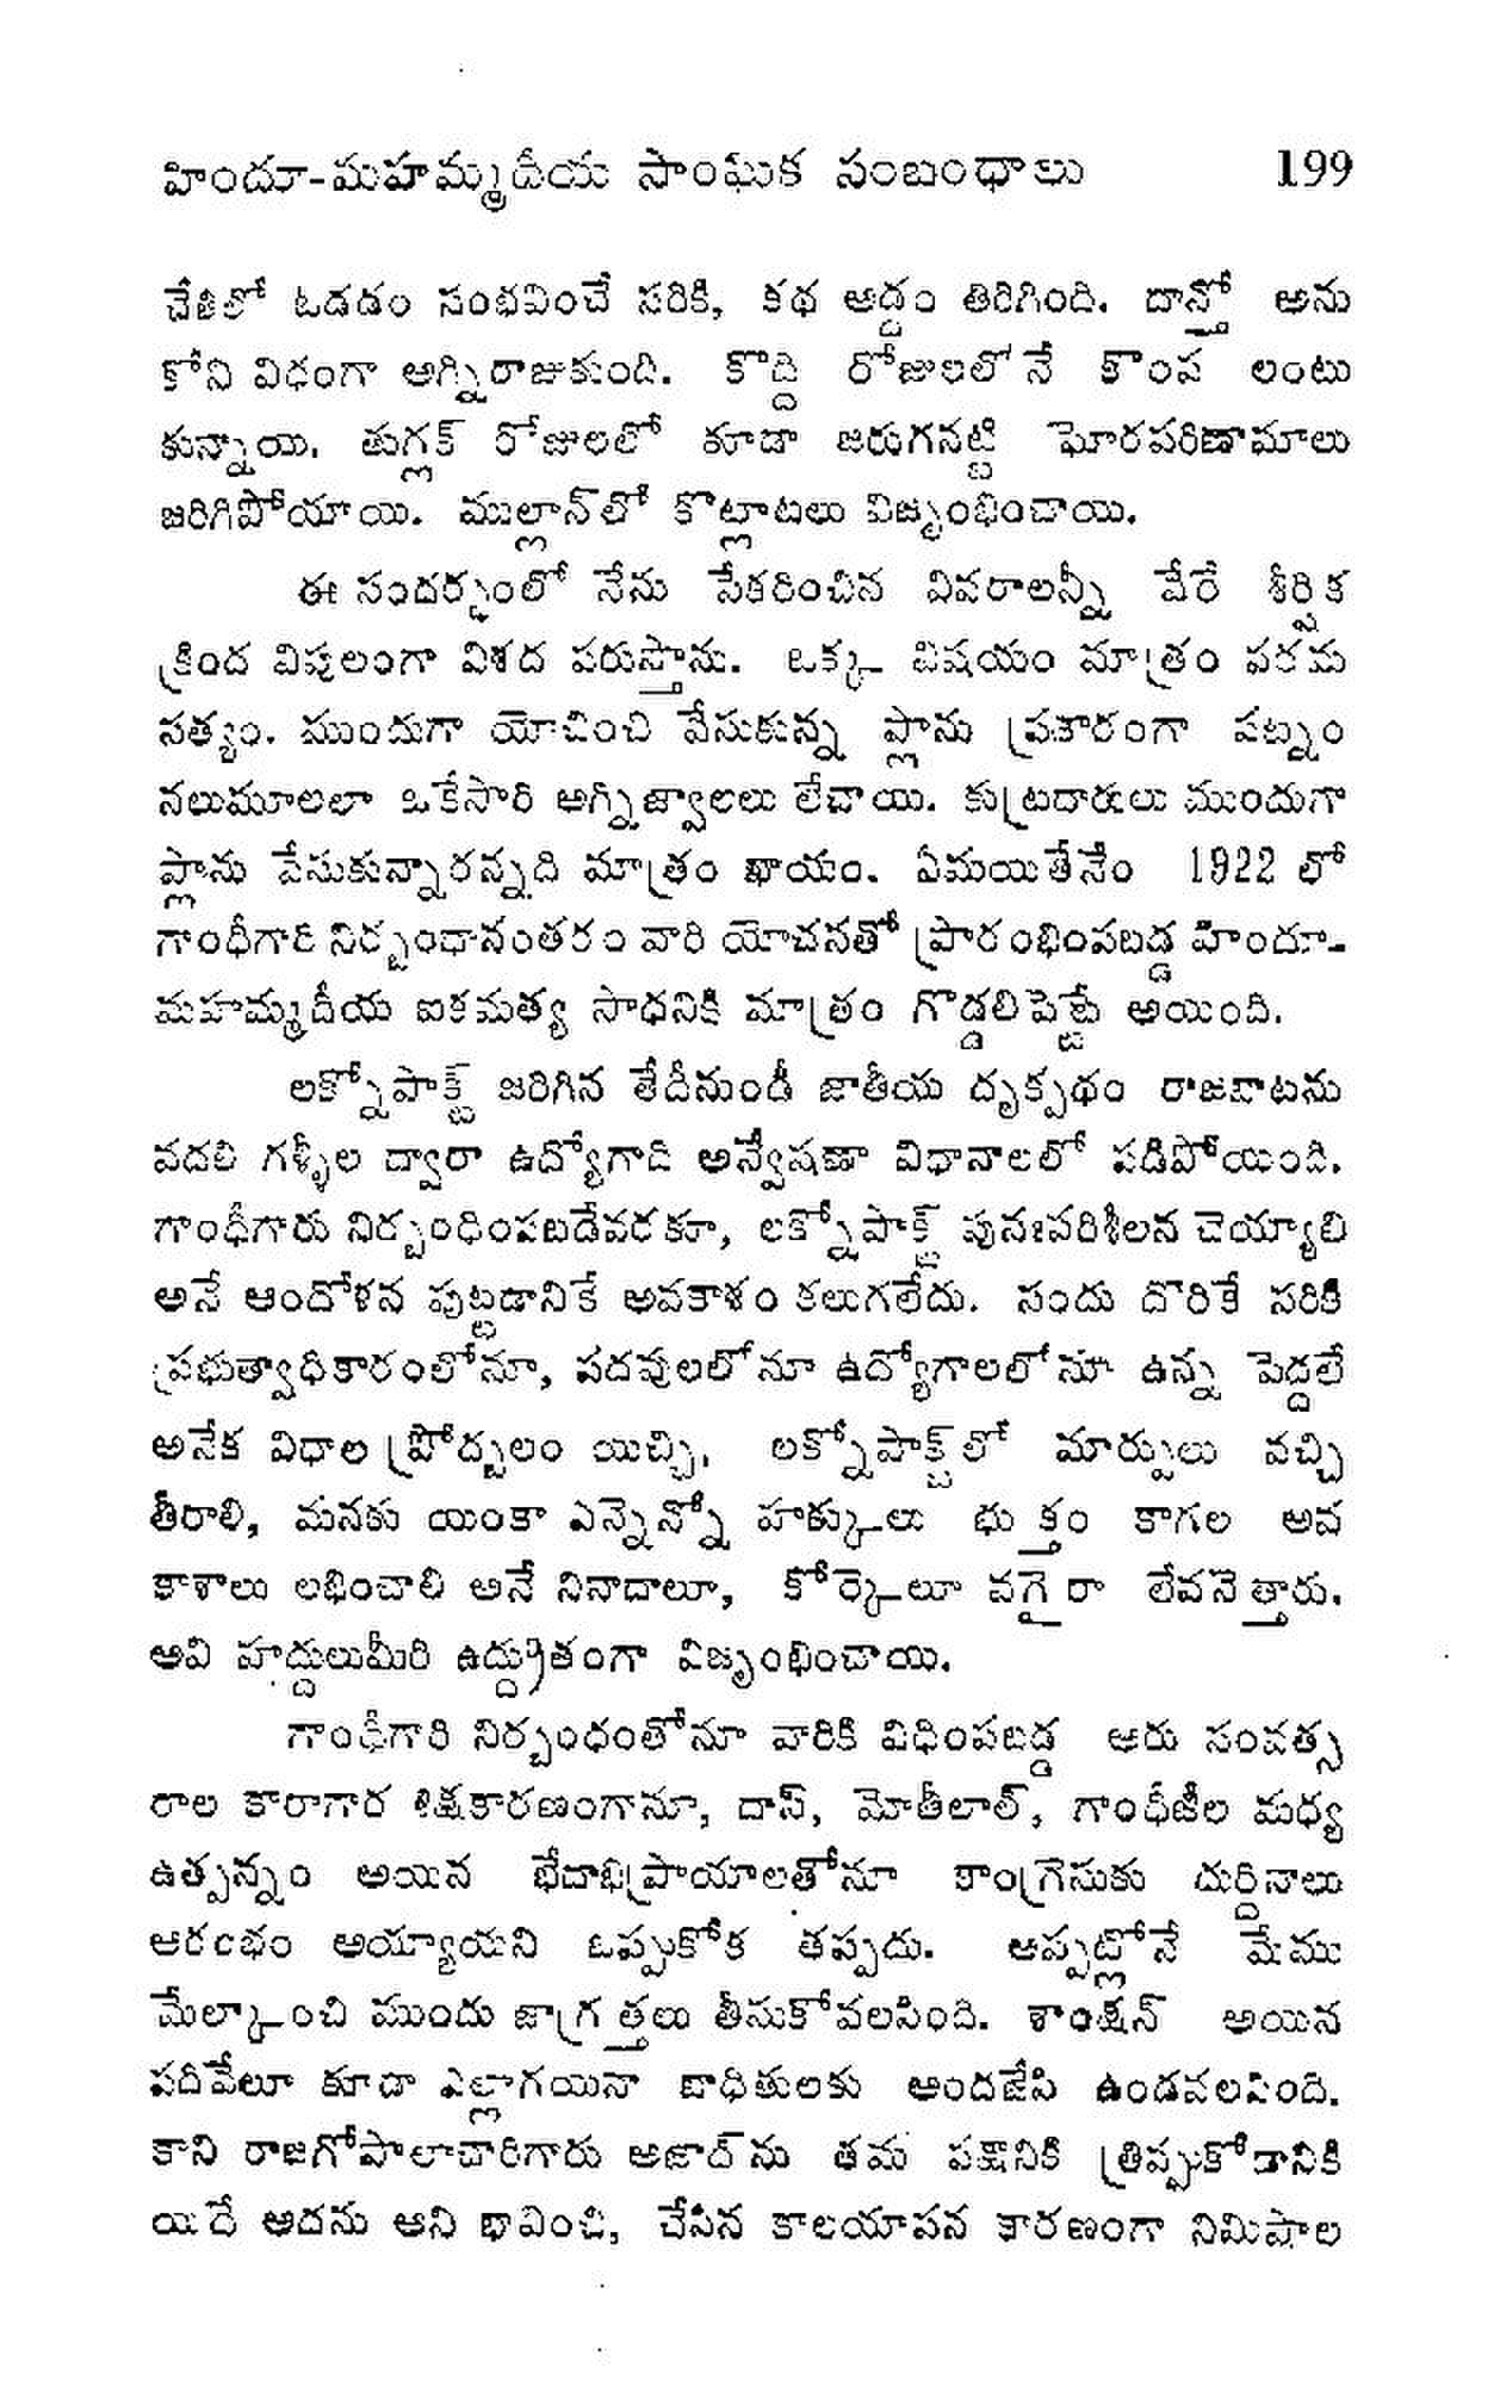చేతిలో ఓడడం సంభవించే సరికి, కథ అడ్డం తిరిగింది. దాన్తో అనుకోని విధంగా అగ్నిరాజుకుంది. కొద్ది రోజులలోనే కొంప లంటు కున్నాయి. తుగ్లక్ రోజులలో కూడా జరుగనట్టి ఘోరపరిణామాలు జరిగిపోయాయి. ముల్లాన్‌లో కొట్లాటలు విజృంభించాయి.

ఈ సందర్బంలో నేను సేకరించిన వివరాలన్నీ వేరే శీర్షిక క్రింద విపులంగా విశద పరుస్తాను. ఒక్క విషయం మాత్రం పరమసత్యం. ముందుగా యోచించి వేసుకున్న ప్లాను ప్రకారంగా పట్నం నలుమూలలా ఒకేసారి అగ్నిజ్వాలలు లేచాయి. కుట్రదారులు ముందుగా ప్లాను వేసుకున్నారన్నది మాత్రం ఖాయం. ఏమయితేనేం 1922 లో గాంధీగారి నిర్బంధానంతరం వారి యోచనతో ప్రారంభింపబడ్డ హిందూ-మహమ్మదీయ ఐకమత్య సాధనికి మాత్రం గొడ్డలిపెట్టే అయింది.

లక్నోపాక్ట్ జరిగిన తేదీనుండీ జాతీయ దృక్పథం రాజబాటను వదలి గళ్ళీల ద్వారా ఉద్యోగాది అన్వేషణా విధానాలలో పడిపోయింది. గాంధీగారు నిర్బంధింపబడేవరకూ, లక్నోపాక్ట్ పున:పరిశీలన చెయ్యాలి అనే ఆందోళన పుట్టడానికే అవకాశం కలుగలేదు. సందు దొరికే సరికి ప్రభుత్వాధికారంలోనూ, పదవులలోనూ ఉద్యోగాలలోనూ ఉన్న పెద్దలే అనేక విధాల ప్రోద్బలం యిచ్చి, లక్నోపాక్ట్‌లో మార్పులు వచ్చి తీరాలి, మనకు యింకా ఎన్నెన్నో హక్కులు భుక్తం కాగల అవకాశాలు లభించాలి అనే నినాదాలూ, కోర్కెలూ వగైరా లేవనెత్తారు. అవి హద్దులుమీరి ఉద్దృతంగా విజృంభించాయి.

గాంధీగారి నిర్బంధంతోనూ వారికి విధింపబడ్డ అరు సంవత్సరాల కారాగార శిక్షకారణంగానూ, దాస్, మోతిలాల్, గాంధీజీల మధ్య ఉత్పన్నం అయిన భేదాభిప్రాయాలతోనూ కాంగ్రెసుకు దుర్దినాలు ఆరంభం అయ్యాయని ఒప్పుకోక తప్పదు. అప్పట్లోనే మేము మేల్కాంచి ముందు జాగ్రత్తలు తీసుకోవలసింది. శాంక్షన్ అయిన పదివేలూ కూడా ఎల్లాగయినా బాధితులకు అందజేసి ఉండవలసింది. కాని రాజగోపాలాచారిగారు అజాద్‌ను తమ పక్షానికి త్రిప్పుకోడానికి యిదే అదను అని భావించి, చేసిన కాలయాపన కారణంగా నిమిషాల